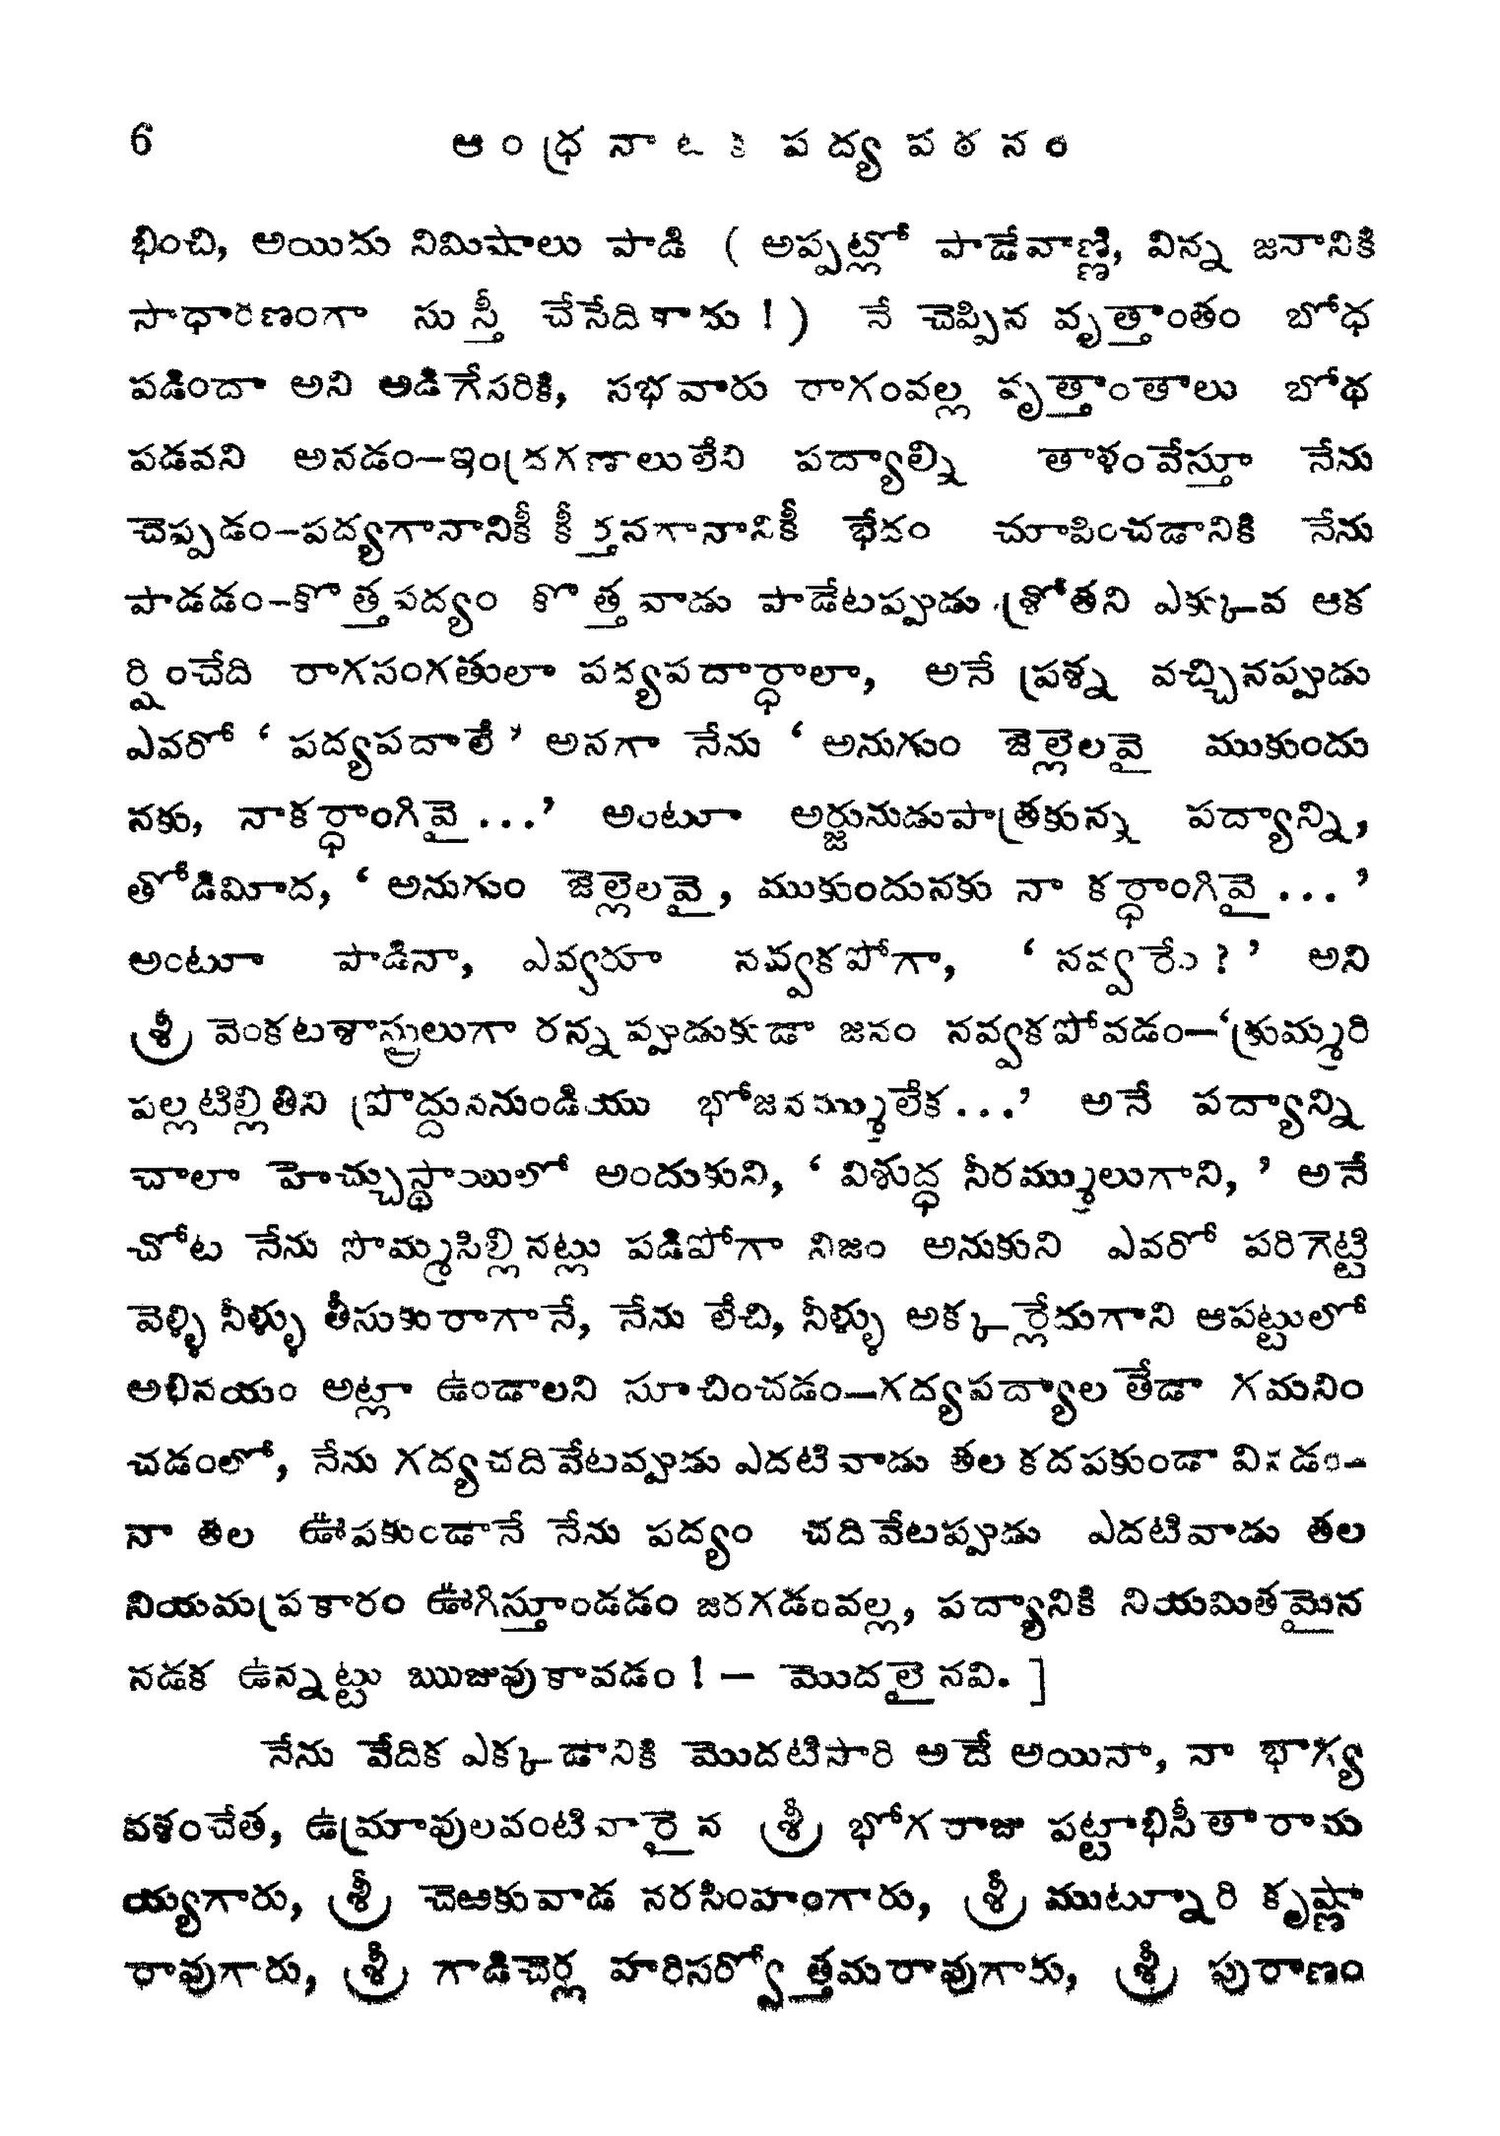భించి, అయిదు నిమిషాలు పాడి ( అప్పట్లో పాడేవాణ్ణి, విన్న జనానికి
సాధారణంగా సుస్తీ చేసేది కాదు !) నే చెప్పిన వృత్తాంతం బోధ
పడిందా అని అడిగేసరికి, సభవారు రాగంవల్ల వృత్తాంతాలు బోధ
పడవని అనడం - ఇంద్రగణాలులేని పద్యాల్ని తాళంవేస్తూ నేను
చెప్పడం - పద్యగానానికీ కీర్తనగానానికీ భేదం చూపించడానికి నేను
పాడడం - కొత్తపద్యం కొత్తవాడు పాడేటప్పుడు శ్రోతని ఎక్కువ ఆక
ర్షించేది రాగసంగతులా వద్యపదార్ధాలా, అనే ప్రశ్న వచ్చినప్పుడు
ఎవరో 'పద్యపదాలే ' అనగా నేను 'అనుగుం జెల్లెలవై ముకుందు
నకు, నాకర్ధాంగివై ...' అంటూ అర్జునుడుపాత్రకున్న పద్యాన్ని,
తోడిమీద, 'అనుగుం జెల్లెలవై , ముకుందునకు నా కర్ధాంగివై ... '
అంటూ పాడినా, ఎవ్వరూ నవ్వకపోగా, ' నవ్వరేం ? ' అని
శ్రీ వెంకటశాస్త్రులుగా రన్నప్పుడుకూడా జనం నవ్వకపోవడం - 'క్రుమ్మరి
పల్లటిల్లితిని ప్రొద్దుననుండియు భోజనమ్ములేక ...' అనే పద్యాన్ని
చాలా హెచ్చుస్థాయిలో అందుకుని, 'విశుద్ధ నీరమ్ములుగాని, ' అనే
చోట నేను సొమ్మసిల్లినట్లు పడిపోగా నిజం అనుకుని ఎవరో పరిగెట్టి
వెళ్ళి నీళ్ళు తీసుకురాగానే, నేను లేచి, నీళ్ళు అక్కర్లేదుగాని ఆపట్టులో
అభినయం అట్లా ఉండాలని సూచించడం - గద్యపద్యాల తేడా గమనిం
చడంలో, నేను గద్యచదివేటప్పుడు ఎదటివాడు తల కదపకుండా వినడం-
నా తల ఊపకుండానే నేను పద్యం చదివేటప్పుడు ఎదటివాడు తల
నియమప్రకారం ఊగిస్తూండడం జరగడంవల్ల, పద్యానికి నియమితమైన
నడక ఉన్నట్టు ఋజువుకావడం ! - మొదలైనవి. ]

నేను వేదిక ఎక్కడానికి మొదటిసారి అదే అయినా, నా భాగ్య
వశంచేత, ఉమ్రావులవంటివారైన శ్రీ భోగరాజు పట్టాభిసీతారామ
య్యగారు, శ్రీ చెఱకువాడ నరసింహంగారు, శ్రీ ముట్నూరి కృష్ణా
రావుగారు, శ్రీ గాడిచెర్ల హరిసర్వోత్తమరావుగారు, శ్రీ పురాణం